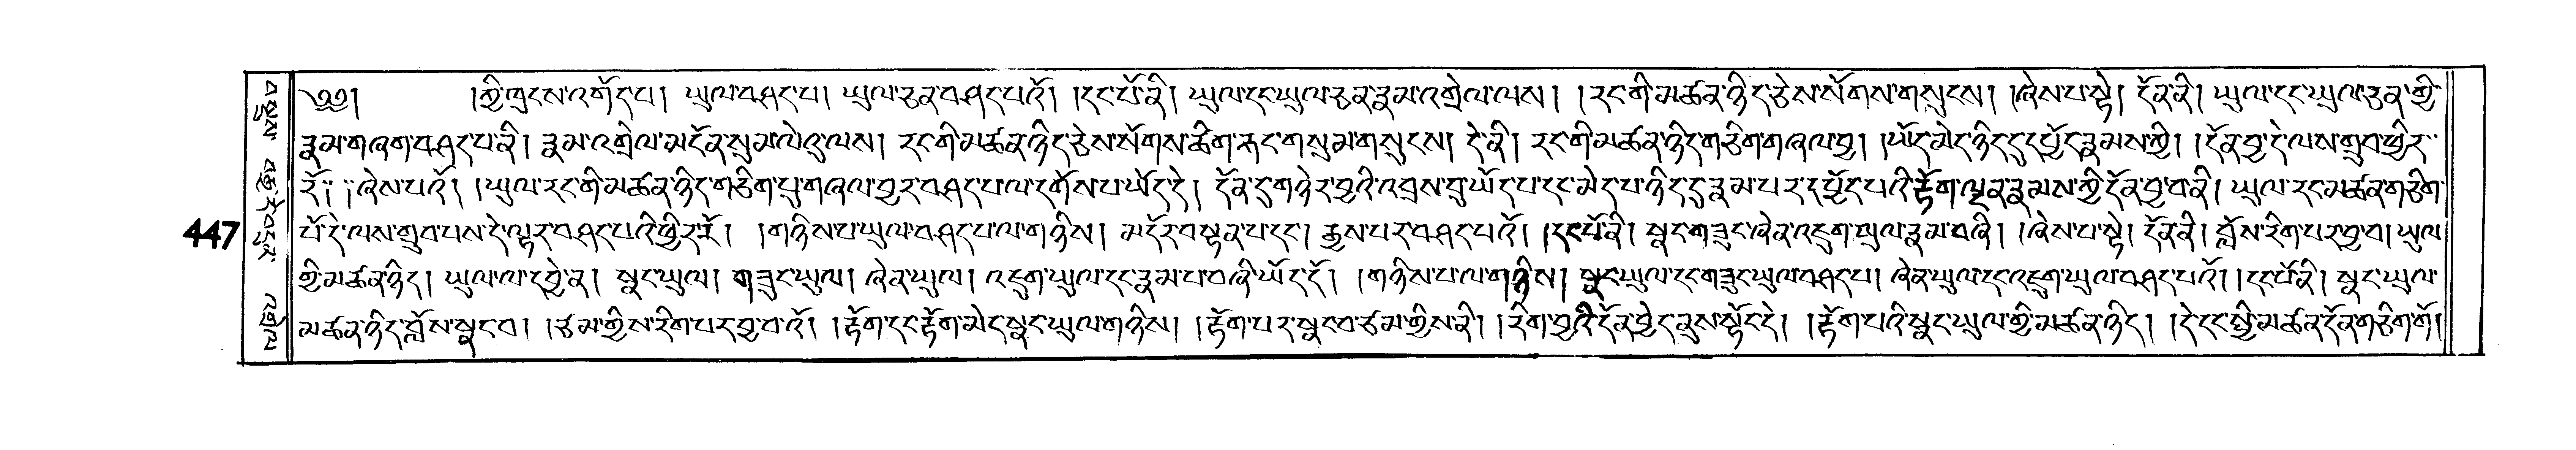༄༅། །ཀྱི་ཁུངས་འགོད་པ། ཡུལ་བཤད་པ། ཡུལ་ཅན་བཤད་པའོ། །དང་པོ་ནི། ཡུལ་དང་ཡུལ་ཅན་རྣམ་འགྲེལ་ལས། །རང་གི་མཚན་ཉིད་ཅེས་སོགས་གསུངས། །ཞེས་པ་སྟེ། དོན་ནི། ཡུལ་དང་ཡུལ་ཅན་གྱི་
རྣམ་གཞག་བཤད་པ་ནི། རྣམ་འགྲེལ་མངོན་སུམ་ལེའུ་ལས། རང་གི་མཚན་ཉིད་ཅེས་སོགས་ཚིག་རྐང་གསུམ་གསུངས། དེ་ནི། རང་གི་མཚན་ཉིད་གཅིག་གཞལ་བྱ། །ཡོད་མེད་ཉིད་དུ་དཔྱོད་རྣམས་ཀྱི། །དོན་བྱ་དེ་ལས་གྲུབ་ཕྱིར་
རོ༑ ༑ཞེས་པའོ། །ཡུལ་རང་གི་མཚན་ཉིད་གཅིག་པུ་གཞལ་བྱར་བཤད་པ་ལ་དགོས་པ་ཡོད་དེ། དོན་དུ་གཉེར་བྱའི་འབྲས་བུ་ཡོད་པ་དང་མེད་པ་ཉིད་དུ་རྣམ་པར་དཔྱོད་པའི་རྟོག་ལྡན་རྣམས་ཀྱི་དོན་བྱ་བ་ནི།
ཡུལ་རང་མཚན་གཅིག་པོ་དེ་ལས་གྲུབ་པས་དེ་ལྟར་བཤད་པའི་ཕྱིར་རོ། །གཉིས་པ་ཡུལ་བཤད་པ་ལ་གཉིས། མདོར་བསྟན་པ་དང་། རྒྱས་པར་བཤད་པའོ། །དང་པོ་ནི། སྣང་གཟུང་ཞེ་ན་འཇུག་ཡུལ་རྣམ་བཞི། །ཞེས་པ་སྟེ། དོན་ནི། བློས་རིག་པར་བྱ་བ། ཡུལ་
གྱི་མཚན་ཉིད། ཡུལ་ལ་དབྱེ་ན། སྣང་ཡུལ། གཟུང་ཡུལ། ཞེན་ཡུལ། འཇུག་ཡུལ་དང་རྣམ་པ་བཞི་ཡོད་ངོ། །གཉིས་པ་ལ་གཉིས། སྣང་ཡུལ་དང་གཟུང་ཡུལ་བཤད་པ། ཞེན་ཡུལ་དང་འཇུག་ཡུལ་བཤད་པའོ། །དང་པོ་ནི། སྣང་ཡུལ་
མཚན་ཉིད་བློས་སྣང་བ། །ཙམ་གྱིས་རིག་པར་བྱ་བའོ། །རྟོག་དང་རྟོག་མེད་སྣང་ཡུལ་གཉིས། །རྟོག་པར་སྣང་བ་ཙམ་གྱིས་ནི། །རིག་བྱའི་དོན་བྱེད་ནུ་སྟོང་དེ། །རྟོག་པའི་སྣང་ཡུལ་གྱི་མཚན་ཉིད། །དེ་དང་སྤྱི་མཚན་དོན་གཅིག་གོ།